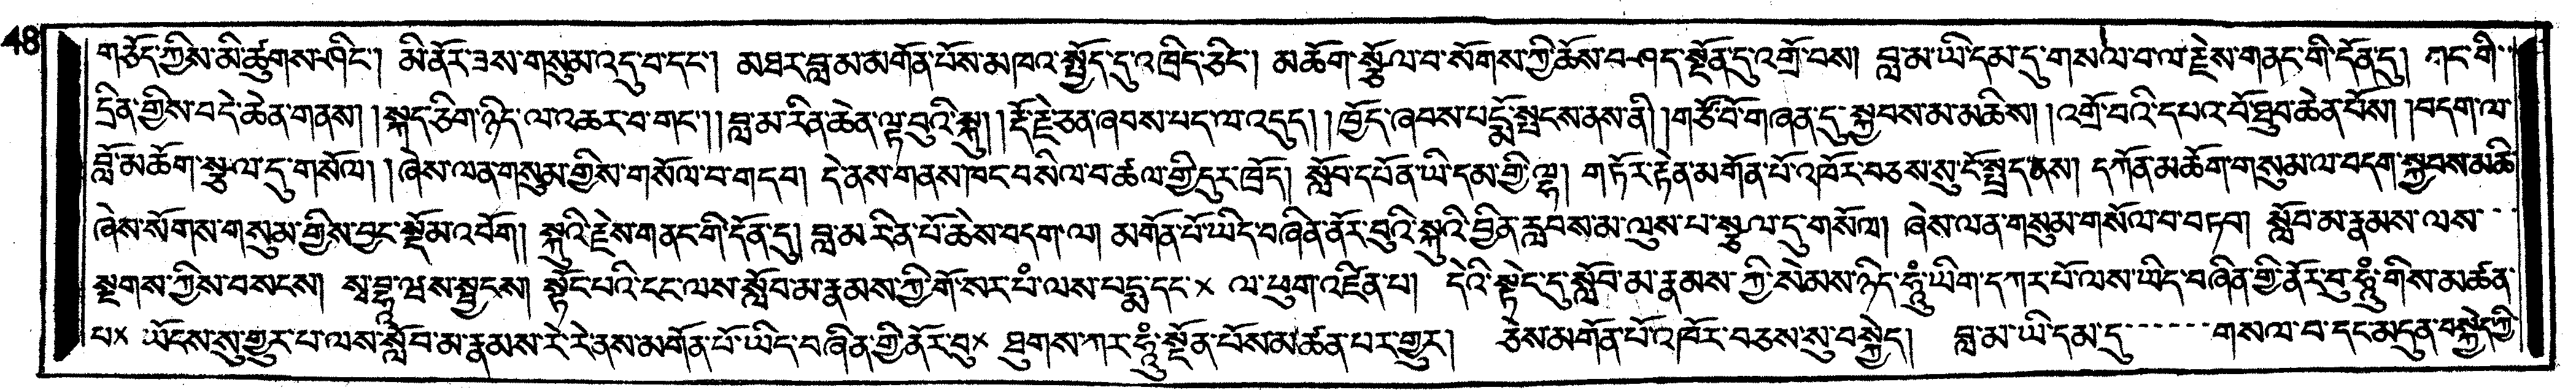གཅོད་ཀྱིས་མི་ཚུགས་ཤིང་། མི་ནོར་ཟས་གསུམ་འདུ་བ་དང་། མཐར་བླ་མ་མགོན་པོས་མཁའ་སྤྱོད་དུ་འཁྲིད་ཅིང་། མཆོག་སྩོལ་བ་སོགས་ཀྱི་ཆོས་བཤད་སྔོན་དུ་འགྲོ་བས། བླ་མ་ཡི་དམ་དུ་གསལ་བ་ལ་རྗེས་གནང་གི་དོན་དུ། གང་གི་
དྲིན་གྱིས་བདེ་ཆེན་གནས། །སྐད་ཅིག་ཉིད་ལ་འཆར་བ་གང་། །བླ་མ་རིན་ཆེན་ལྟ་བུའི་སྐུ། །རྡོ་རྗེ་ཅན་ཞབས་པད་ལ་འདུད། །ཁྱོད་ཞབས་པདམོ་སྤངས་ནས་ནི། །གཙོ་བོ་གཞན་དུ་སྐྱབས་མ་མཆིས། །འགྲོ་བའི་དཔའ་བོ་ཐུབ་ཆེན་པོས། །བདག་ལ་
བློ་མཆོག་སྩལ་དུ་གསོལ། །ཞེས་ལན་གསུམ་གྱིས་གསོལ་བ་གདབ། དེ་ནས་གནས་ཁང་བསིལ་བ་ཚལ་གྱི་དུར་ཁྲོད། སློབ་དཔོན་ཡི་དམ་གྱི་ལྷ། གཏོར་རྟེན་མགོན་པོ་འཁོར་བཅས་སུ་ངོ་སྤྲད་ནས། དཀོན་མཆོག་གསུམ་ལ་བདག་སྐྱབས་མཆི་
ཞེས་སོགས་གསུམ་གྱིས་བྱང་སྡོམ་འབོག། སྐུའི་རྗེས་གནང་གི་དོན་དུ། བླ་མ་རིན་པོ་ཆེས་བདག་ལ། མགོན་པོ་ཡིད་བཞིན་ནོར་བུའི་སྐུའི་བྱིན་རླབས་མ་ལུས་པ་སྩལ་དུ་གསོལ། ཞེས་ལན་གསུམ་གསོལ་བ་བཏབ། སློབ་མ་རྣམས་ལས་
སྔགས་ཀྱིས་བསངས། སྭ་བྷཱ་ཝས་སྦྱངས། སྟོང་པའི་ངང་ལས་སློབ་མ་རྣམས་ཀྱི་གོ་སར་པཾ་ལས་པདམ་དང་ལ་ཕུག་འཛིན་པ། དེའི་སྟེང་དུ་སློབ་མ་རྣམས་ཀྱི་སེམས་ཉིད་ཧཱུཾ་ཡིག་དཀར་པོ་ལས་ཡིད་བཞིན་གྱི་ནོར་བུ་ཧཱུཾ་གིས་མཚན་
པ་ཡོངས་སུ་གྱུར་པ་ལས་སློབ་མ་རྣམས་རེ་རེ་ནས་མགོན་པོ་ཡིད་བཞིན་གྱི་ནོར་བུ་ཐུགས་ཀར་ཧཱུཾ་སྔོན་པོས་མཚན་པར་གྱུར། ཅེས་མགོན་པོ་འཁོར་བཅས་སུ་བསྐྱེད། བླ་མ་ཡི་དམ་དུ་གསལ་བ་དང་མདུན་བསྐྱེད་ཀྱི་